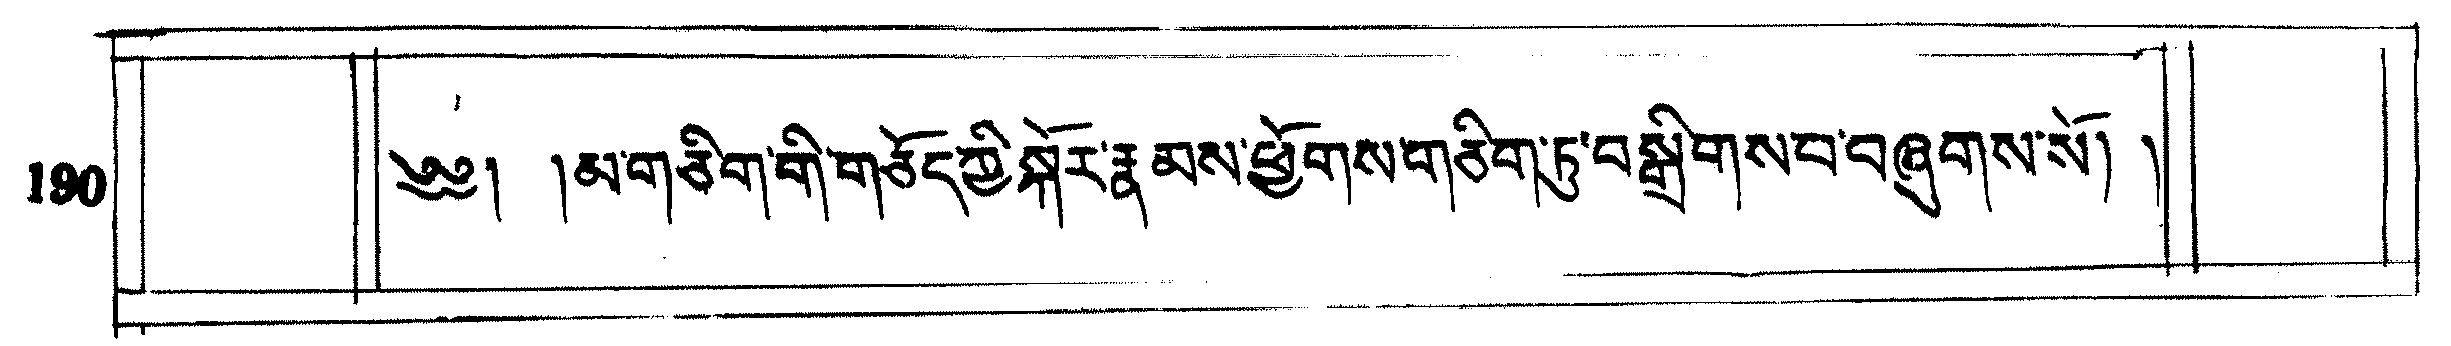༄༅། །མ་གཅིག་གི་གཅོད་ཀྱི་སྐོར་རྣམས་ཕྱོགས་གཅིག་ཏུ་བསྒྲིགས་བ་བཞུགས་སོ། །